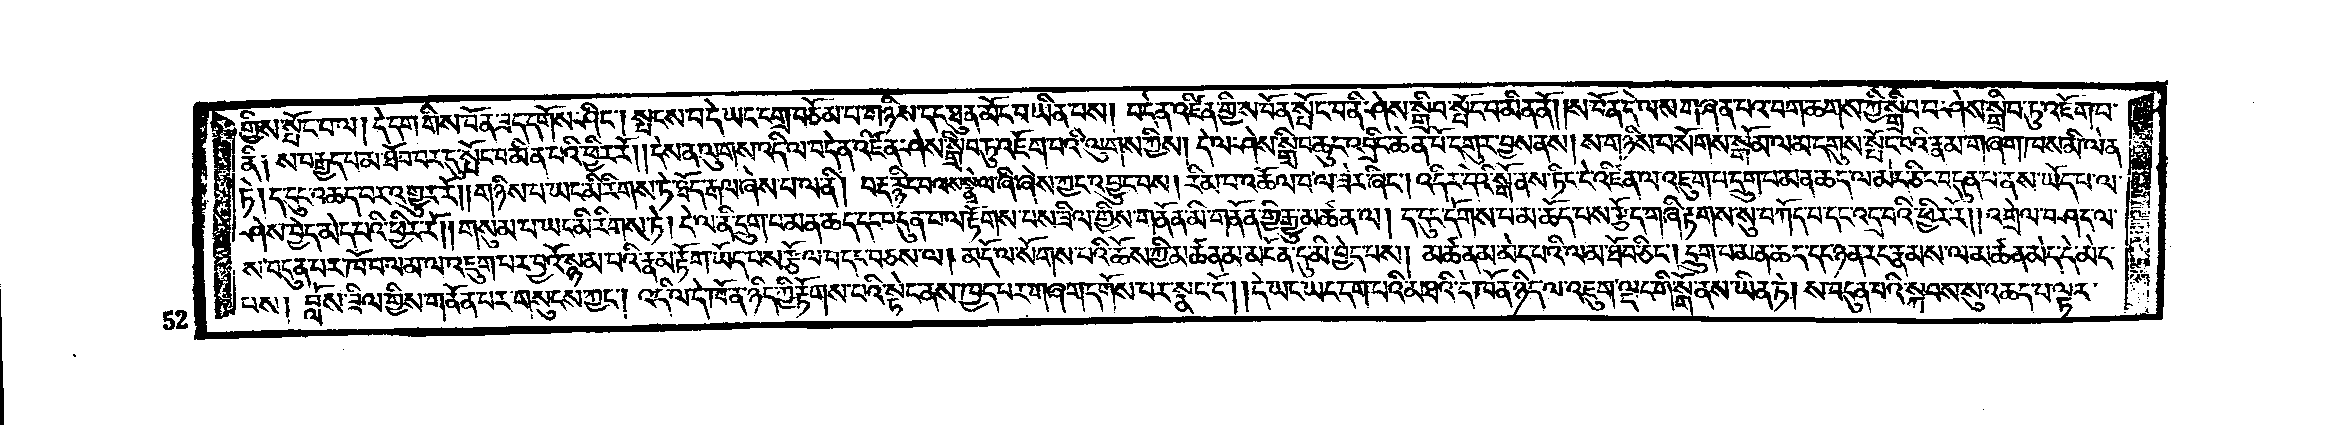གྱིས་སྤོང་བ་ལ། དེ་དག་གི་ས་བོན་ཟད་དགོས་ཤིང་། སྤངས་པ་དེ་ཡང་དགྲ་བཅོམ་པ་གཉིས་དང་ཐུན་མོང་བ་ཡིན་པས། བདེན་འཛིན་གྱི་ས་བོན་སྤོང་བ་ནི་ཤེས་སྒྲིབ་སྤོང་བ་མིན་ནོ། །ས་བོན་དེ་ལས་གཞན་པའི་བག་ཆགས་ཀྱི་སྒྲིབ་པ་ཤེས་སྒྲིབ་ཏུ་འཇོག་པ་
ནི། ས་བརྒྱད་པ་མ་ཐོབ་བར་དུ་སྤོང་བ་མིན་པའི་ཕྱིར་རོ། །དེས་ན་ལུགས་འདི་ལ་བདེན་འཛིན་ཤེས་སྒྲིབ་ཏུ་འཇོག་པའི་ལུགས་ཀྱིས། དེ་ལ་ཤེས་སྒྲིབ་ཆུང་འབྲིང་ཆེན་པོ་དགུར་བྱས་ནས། ས་གཉིས་པ་སོགས་སྒོམ་ལམ་དགུས་སྤོང་བའི་རྣམ་གཞག་ཁས་མི་ལེན་
ཏེ། ད་དུང་འཆད་པར་འགྱུར་རོ། གཉིས་པ་ཡང་མི་རིགས་ཏེ་ཐོད་རྒལ་ཞེས་པ་ལ་ནི། བརྡ་རྙིང་བ་ལས་སྣེལ་ཞི་ཞེས་ཀྱང་འབྱུང་བས། རིམ་པ་འཆོལ་བ་ལ་ཟེར་ཞིང་། འདིར་དེའི་སྒོ་ནས་ཏིང་ངེ་འཛིན་ལ་འཇུག་པ་དྲུག་པ་མན་ཆད་ལ་མེད་ཅིང་བདུན་པ་ནས་ཡོད་པ་ལ་
ཤེས་བྱེད་མེད་པའི་ཕྱིར་རོ། །གསུམ་པ་ཡང་མི་རིགས་ཏེ། དེ་ལ་ནི་དྲུག་པ་མན་ཆད་དང་བདུན་པ་ལ་རྟོགས་པས་ཟིལ་གྱིས་གནོན་མི་གནོན་གྱི་རྒྱུ་མཚན་ལ། ད་དུང་དོགས་པ་མ་ཆོད་པས་རྩོད་གཞི་རྟགས་སུ་བཀོད་པ་དང་འདྲ་བའི་ཕྱིར་རོ། །འགྲེལ་བཤད་ལ་
ས་བདུན་པར་ཁོ་བོ་ལམ་ལ་འཇུག་པར་བྱའོ་སྙམ་པའི་རྣམ་རྟོག་ཡོད་པས་རྩོལ་བ་དང་བཅས་ལ། མདོ་ལ་སོགས་པའི་ཆོས་ཀྱི་མཚན་མ་མངོན་དུ་མི་བྱེད་པས། མཚན་མ་མེད་པའི་ལམ་ཐོབ་ཅིང་། དྲུག་པ་མན་ཆད་དང་ཉན་རང་རྣམས་ལ་མཚན་མེད་དེ་མེད་
པས། བློས་ཟིལ་གྱིས་གནོན་པར་གསུངས་ཀྱང་། འདི་ལ་དེ་ཁོ་ན་ཉིད་ཀྱི་རྟོགས་པའི་སྟེང་ནས་ཁྱད་པར་གཞག་དགོས་པར་སྣང་ངོ། །དེ་ཡང་ཡང་དག་པའི་མཐའི་དེ་ཁོ་ན་ཉིད་ལ་འཇུག་ལྡང་གི་སྒོ་ནས་ཡིན་ཏེ། ས་བདུན་པའི་སྐབས་སུ་འཆད་པ་ལྟར་